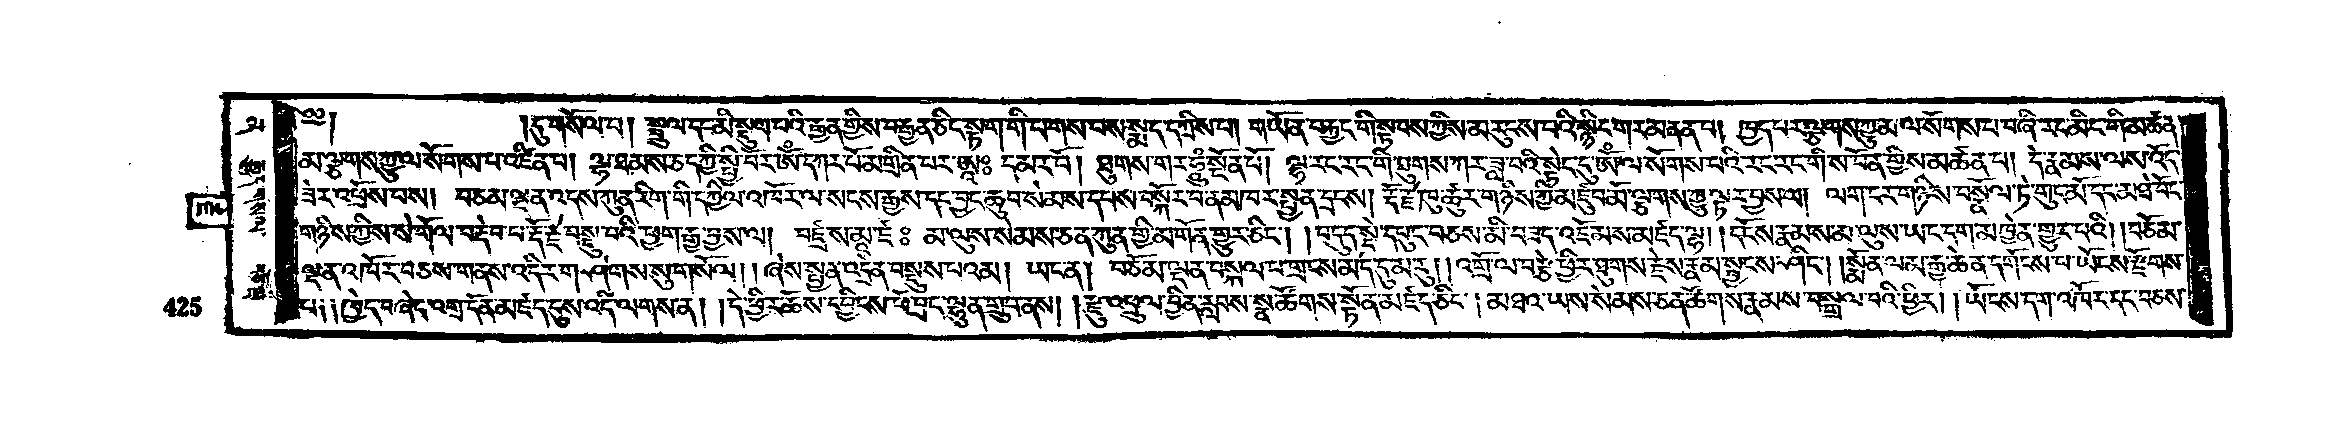༄༅། །དུ་གསོལ་བ། སྤྲུལ་དང་མི་སྡུག་པའི་རྒྱན་གྱིས་བརྒྱན་ཅིང་སྟག་གི་པགས་པས་སྨད་དཀྲིས་པ། གཡོན་བརྐྱང་གི་སྟབས་ཀྱིས་མ་རུངས་པའི་སྙིང་གར་མནན་པ། ཁྱད་པར་ལྕགས་ཀྱུ་མ་ལ་སོགས་པ་བཞི་རང་མིང་གི་མཚན་
མ་ལྕགས་ཀྱུ་ལ་སོགས་པ་འཛིན་པ། ལྷ་ཐམས་ཅད་ཀྱི་སྤྱི་བོར་ཨོཾ་དཀར་པོ་མགྲིན་པར་ཨཱཿ དམར་པོ། ཐུགས་གར་ཧཱུཾ་སྔོན་པོ། ལྷ་རང་རང་གི་ཐུགས་ཀར་ཟླ་བའི་སྟེང་དུ་ཨོཾ་ལ་སོགས་པའི་རང་རང་གི་ས་བོན་གྱིས་མཚན་པ། དེ་རྣམས་ལས་འོད་
ཟེར་འཕྲོས་པས། བཅོམ་ལྡན་འདས་ཀུན་རིག་གི་དཀྱིལ་འཁོར་ལ་སངས་རྒྱས་དང་བྱང་ཆུབ་སེམས་དཔས་བསྐོར་བ་ནམ་མཁར་སྤྱན་དྲངས། རྡོ་རྗེ་ཁུ་ཚུར་གཉིས་ཀྱི་མཛུབ་མོ་ལྕགས་ཀྱུ་ལྟར་བྱས་ལ། ལག་ངར་གཉིས་བསྣོལ་ཏེ་གུང་མོ་དང་མཐེ་བོང་
གཉིས་ཀྱིས་སེ་གོལ་བརྡེབ་པ་རྡོ་རྗེ་བསྡུ་བའི་ཕྱག་རྒྱ་བྱས་ལ། བཛྲ་ས་མཱ་ཛཿ མ་ལུས་སེམས་ཅན་ཀུན་གྱི་མགོན་གྱུར་ཅིང་། །བདུད་སྡེ་དཔུང་བཅས་མི་བཟད་འཇོམས་མཛད་ལྷ། །དངོས་རྣམས་མ་ལུས་ཡང་དག་མཁྱེན་གྱུར་པའི། །བཅོམ་
ལྡན་འཁོར་བཅས་གནས་འདིར་གཤེགས་སུ་གསོལ། །ཞེས་སྤྱན་འདྲེན་བསྡུས་པའམ། ཡང་ན། བཅོམ་ལྡན་བསྐལ་པ་གྲངས་མེད་དུ་མ་རུ། །འགྲོ་ལ་བརྩེ་ཕྱིར་ཐུགས་རྗེས་རྣམ་སྦྱངས་ཤིང་། །སྨོན་ལམ་རྒྱ་ཆེན་དགོངས་པ་ཡོངས་རྫོགས་
པ། །ཁྱེད་བཞེད་འགྲོ་དོན་མཛད་དུས་འདི་ལགས་ན། །དེ་ཕྱིར་ཆོས་དབྱིངས་ཕོ་བྲང་ལྷུན་གྲུབ་ནས། །རྫུ་འཕྲུལ་བྱིན་རླབས་སྣ་ཚོགས་སྟོན་མཛད་ཅིང་། མཐའ་ཡས་སེམས་ཅན་ཚོགས་རྣམས་བསྒྲལ་བའི་ཕྱིར། །ཡོངས་དག་འཁོར་དང་བཅས་